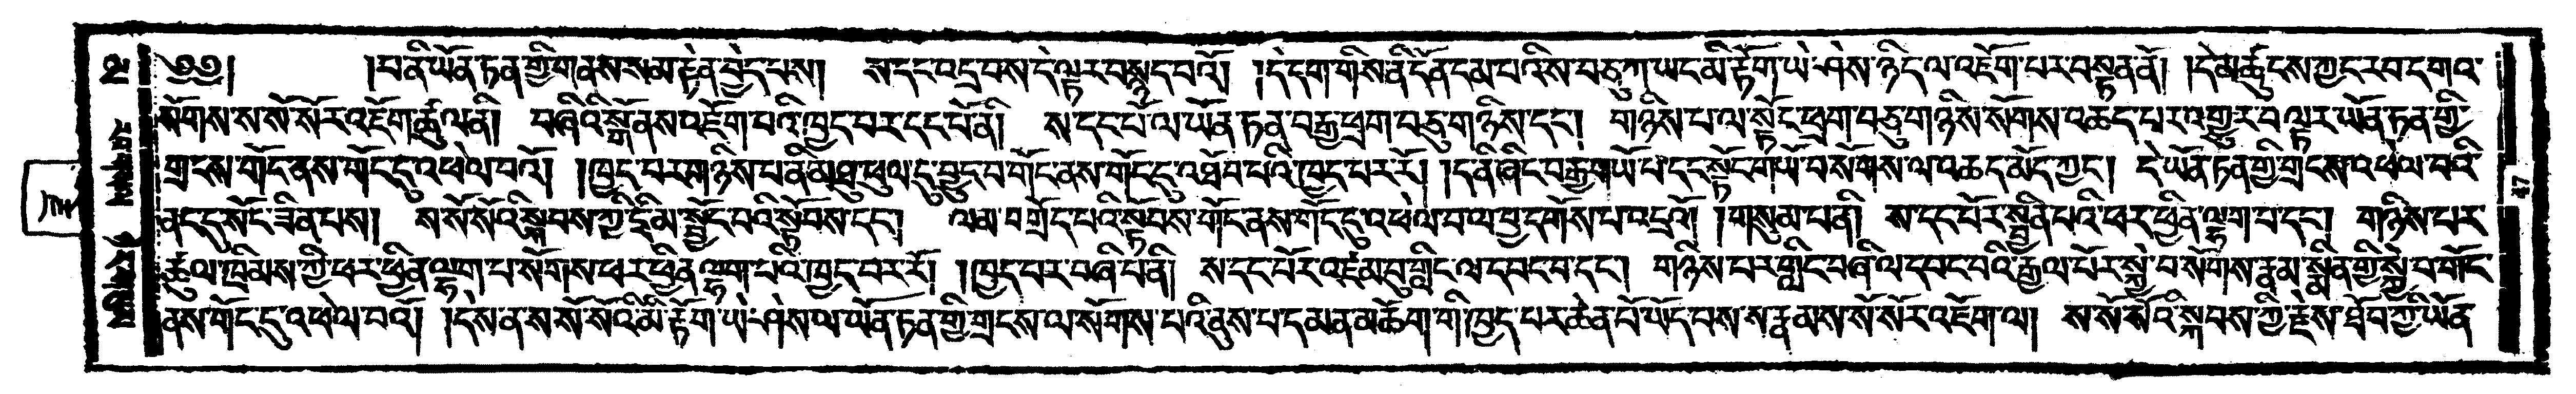༄༅། །པ་ནི་ཡོན་ཏན་གྱི་གནས་སམ་རྟེན་བྱེད་པས། ས་དང་འདྲ་བས་དེ་ལྟར་བསྙད་པའོ། །དེ་དག་གིས་ནི་དོན་དམ་པའི་ས་བཅུ་ཀ་ཡང་མི་རྟོག་ཡེ་ཤེས་ཉིད་ལ་འཇོག་པར་བསྟན་ནོ། །དེ་མཚུངས་ཀྱང་རབ་དགའ་
སོགས་ས་སོ་སོར་འཇོག་ཚུལ་ནི། བཞིའི་སྒོ་ནས་འཇོག་པའི་ཁྱད་པར་དང་པོ་ནི། ས་དང་པོ་ལ་ཡོན་ཏན་བརྒྱ་ཕྲག་བཅུ་གཉིས་དང་། གཉིས་པ་ལ་སྟོང་ཕྲག་བཅུ་གཉིས་སོགས་འཆད་པར་འགྱུར་བ་ལྟར་ཡོན་ཏན་གྱི་
གྲངས་གོང་ནས་གོང་དུ་འཕེལ་བའོ། །ཁྱད་པར་གཉིས་པ་ནི་མཐུ་ཕུལ་དུ་བྱུང་བ་གོང་ནས་གོང་དུ་འཐོབ་པའི་ཁྱད་པར་རོ། །དེ་ནི་ཞིང་བརྒྱ་གཡོ་བ་དང་སྟོང་གཡོ་བ་སོགས་ལ་འཆད་མོད་ཀྱང་། དེ་ཡོན་ཏན་གྱི་གྲངས་འཕེལ་བའི་
ནང་དུ་སོང་ཟིན་པས། ས་སོ་སོའི་སྐབས་ཀྱི་དྲི་མ་སྦྱོང་བའི་སྟོབས་དང་། ལམ་བགྲོད་བའི་སྟོབས་གོང་ནས་གོང་དུ་འཕེལ་བ་ལ་བྱ་དགོས་པ་འདྲའོ། །གསུམ་པ་ནི། ས་དང་པོར་སྦྱིན་པའི་ཕར་ཕྱིན་ལྷག་པ་དང་། གཉིས་པར་
ཚུལ་ཁྲིམས་ཀྱི་ཕར་ཕྱིན་ལྷག་པ་སོགས་ཕར་ཕྱིན་ལྷག་པའི་ཁྱད་པར་རོ། །ཁྱད་པར་བཞི་པ་ནི། ས་དང་པོར་འཛམ་བུ་གླིང་ལ་དབང་བ་དང་། གཉིས་པར་གླིང་བཞི་ལ་དབང་བའི་རྒྱལ་པོར་སྐྱེ་བ་སོགས་རྣམ་སྨིན་གྱི་སྐྱེ་བ་གོང་
ནས་གོང་དུ་འཕེལ་བའོ། །དེས་ན་ས་སོ་སོའི་མི་རྟོག་ཡེ་ཤེས་ལ་ཡོན་ཏན་གྱི་གྲངས་ལ་སོགས་པའི་ནུས་པ་དམན་མཆོག་གི་ཁྱད་པར་ཆེན་པོ་ཡོད་པས་ས་རྣམས་སོ་སོར་འཇོག་ལ། ས་སོ་སོའི་སྐབས་ཀྱི་རྗེས་ཐོབ་ཀྱི་ཡོན་